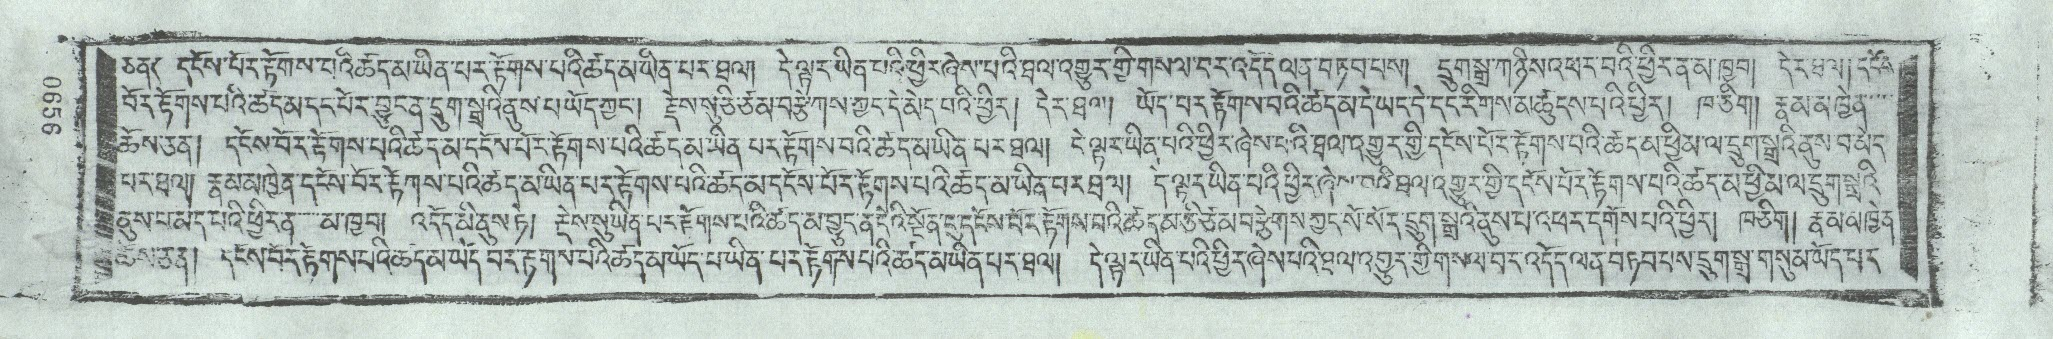ཅན༑ དངོས་པོར་རྟོགས་པའི་ཚད་མ་ཡིན་པར་རྟོགས་པའི་ཚད་མ་ཡིན་པར་ཐལ། དེ་ལྟར་ཡིན་པའི་ཕྱིར་ཞེས་པའི་ཐལ་འགྱུར་གྱི་གསལ་བར་འདོད་ལན་བཏབ་པས། དྲུག་སྒྲ་གཉིས་འཕར་བའི་ཕྱིར་ན་མ་ཁྱབ། དེར་ཐལ། དངོས་
པོར་རྟོགས་པའི་ཚད་མ་དང་པོར་བྱུང་ན་དྲུག་སྒྲའི་ནུས་པ་ཡོད་ཀྱང་། རྗེས་སུ་ཅི་ཙམ་བརྩེགས་ཀྱང་དེ་མེད་པའི་ཕྱིར། དེར་ཐལ། ཡོད་པར་རྟོགས་པའི་ཚད་མ་དེ་ཡང་དེ་དང་རིགས་མཚུངས་པའི་ཕྱིར། ཁ་ཅིག། རྣམ་མཁྱེན་
ཆོས་ཅན། དངོས་བོར་རྟོགས་པའི་ཚད་མ་དངོས་པོར་རྟོགས་པའི་ཚད་མ་ཡིན་པར་རྟོགས་པའི་ཚད་མ་ཡིན་པར་ཐལ། དེ་ལྟར་ཡིན་པའི་ཕྱིར་ཞེས་པའི་ཐལ་འགྱུར་གྱི་དངོས་པོར་རྟོགས་པའི་ཚད་མ་ཕྱི་མ་ལ་དྲུག་སྒྲའི་ནུས་པ་མེད་
པར་ཐལ། རྣམ་མཁྱེན་དངོས་པོར་རྟོགས་པའི་ཚད་མ་ཡིན་པར་རྟོགས་པའི་ཚད་མ་དངོས་པོར་རྟོགས་པའི་ཚད་མ་ཡིན་པར་ཐལ། དེ་ལྟར་ཡིན་པའི་ཕྱིར་ཞེས་པའི་ཐལ་འགྱུར་གྱི་དངོས་པོར་རྟོགས་པའི་ཚད་མ་ཕྱི་མ་ལ་དྲུག་སྒྲའི་
ནུས་པ་མེད་པའི་ཕྱིར་ན་མ་ཁྱབ། འདོད་མི་ནུས་ཏེ། རྗེས་སུ་ཡིན་པར་རྟོགས་པའི་ཚད་མ་བྱུང་ན་དེའི་སྔོན་དུ་དངོས་པོར་རྟོགས་པའི་ཚད་མ་ཅི་ཙམ་བརྩེགས་ཀྱང་སོ་སོར་དྲུག་སྒྲའི་ནུས་པ་འཕར་དགོས་པའི་ཕྱིར། ཁ་ཅིག། རྣམ་མཁྱེན་
ཆོས་ཅན། དངོས་བོར་རྟོགས་པའི་ཚད་མ་ཡོད་པར་རྟགས་པའི་ཚད་མ་ཡོད་པ་ཡིན་པར་རྟོགས་པའི་ཚད་མ་ཡིན་པར་ཐལ། དེ་ལྟར་ཡིན་པའི་ཕྱིར་ཞེས་པའི་ཐལ་འགྱུར་གྱི་གསལ་བར་འདོད་ལན་བཏབ་པས་དྲུག་སྒྲ་གསུམ་ཡོད་པར་